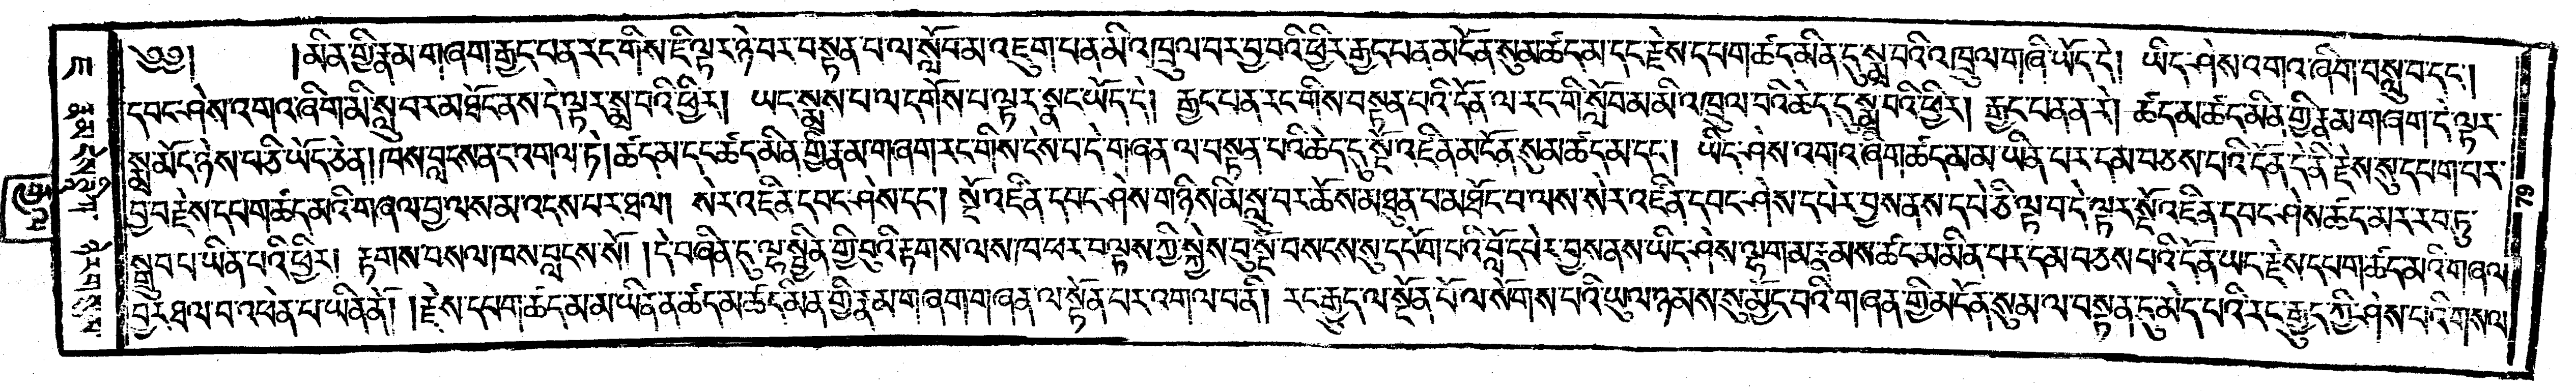༄༅། །མིན་གྱི་རྣམ་གཞག་རྒྱད་པན་རང་གིས་ཇི་ལྟར་ཉེ་བར་བསྟན་པ་ལ་སློབ་མ་འཇུག་པ་ན་མི་འཁྲུལ་བར་བྱ་བའི་ཕྱིར་རྒྱད་པན་མངོན་སུམ་ཚད་མ་དང་རྗེས་དཔག་ཚད་མིན་དུ་སྨྲ་བའི་འཁྲུལ་གཞི་ཡོད་དེ། ཡིད་ཤེས་འགའ་ཞིག་བསླུ་བ་དང་།
དབང་ཤེས་འགའ་ཞིག་མི་སླུ་བར་མཐོང་ནས་དེ་ལྟར་སྨྲ་བའི་ཕྱིར། ཡང་སྨྲས་པ་ལ་དགོས་པ་ལྟར་སྣང་ཡོད་དེ། རྒྱད་པན་རང་གིས་བསྟན་པའི་དོན་ལ་རང་གི་སློབ་མ་མི་འཁྲུལ་པའི་ཆེད་དུ་སྨྲ་བའི་ཕྱིར། རྒྱད་པན་ན་རེ། ཚད་མ་ཚད་མིན་གྱི་རྣམ་གཞག་དེ་ལྟར་
སྨྲ་མོད་ཉེས་པ་ཅི་ཡོད་ཅེ་ན། ཁས་བླངས་ནང་འགལ་ཏེ། ཚད་མ་དང་ཚད་མིན་གྱི་རྣམ་གཞག་རང་གིས་ངེས་པ་དེ་གཞན་ལ་བསྟན་པའི་ཆེད་དུ་སྔོ་འཛིན་མངོན་སུམ་ཚད་མ་དང་། ཡིད་ཤེས་འགའ་ཞིག་ཚད་མ་མ་ཡིན་པར་དམ་བཅས་པའི་དོན་དེ་ནི་རྗེས་སུ་དཔག་པར་
བྱ་བ་རྗེས་དཔག་ཚད་མའི་གཞལ་བྱ་ལས་མ་འདས་པར་ཐལ། སེར་འཛིན་དབང་ཤེས་དང་། སྔོ་འཛིན་དབང་ཤེས་གཉིས་མི་སླུ་བར་ཆོས་མཐུན་པ་མཐོང་བ་ལས་སེར་འཛིན་དབང་ཤེས་དཔེར་བྱས་ནས་དཔེ་ཅི་ལྟ་བ་དེ་ལྟར་སྔོ་འཛིན་དབང་ཤེས་ཚད་མར་རབ་ཏུ་
སྒྲུབ་པ་ཡིན་པའི་ཕྱིར། རྟགས་བསལ་ཁས་བླངས་སོ། །དེ་བཞིན་དུ་ལྷ་སྦྱིན་གྱི་བུའི་རྟགས་ལས་ཁ་ཕར་བལྟས་ཀྱི་སྐྱེས་བུ་སྔོ་བསངས་སུ་དཔོག་པའི་བློ་དཔེར་བྱས་ནས་ཡིད་ཤེས་ལྷག་མ་རྣམས་ཚད་མ་མིན་པར་དམ་བཅས་པའི་དོན་ཡང་རྗེས་དཔག་ཚད་མའི་གཞལ་
བྱར་ཐལ་བ་འཕེན་པ་ཡིན་ནོ། །རྗེས་དཔག་ཚད་མ་མ་ཡིན་ན་ཚད་མ་མ་ཡིན་ན་ཚད་མ་ཚད་མིན་གྱི་རྣམ་གཞག་གཞན་ལ་སྟོན་པར་འགལ་བ་ནི། རང་རྒྱུད་ལ་སྔོན་པོ་ལ་སོགས་པའི་ཡུལ་ཉམས་སུ་མྱོང་བའི་གཞན་གྱི་མངོན་སུམ་ལ་བསྟན་དུ་མེད་པའི་རང་རྒྱུད་ཀྱི་ཤེས་པའི་གསལ་